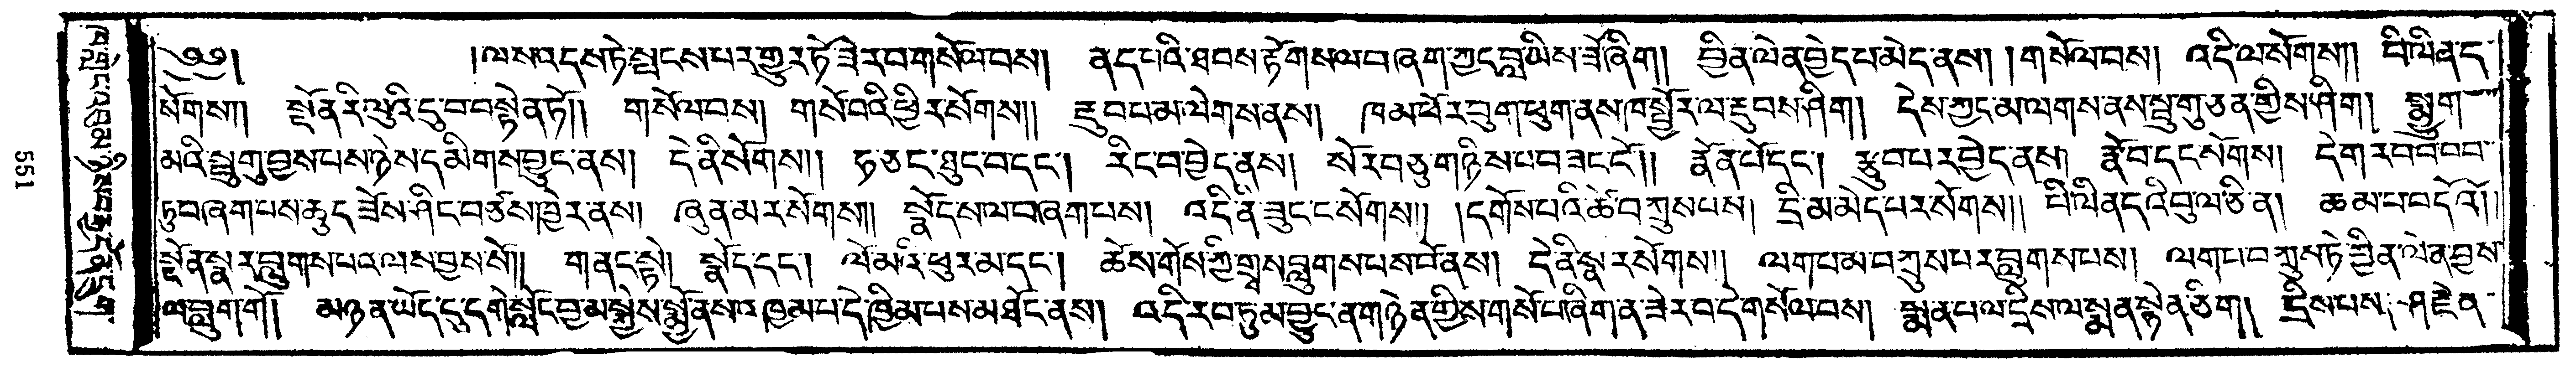༄༅། །ལས་འདས་ཏེ་སྤངས་པར་གྱུར་ཏོ་ཟེར་བ་གསོལ་བས། ནད་པའི་ཐབས་རྟོགས་ལ་བཞག་ཀྱང་བླ་ཡིས་ཟོ་ཞིག། བྱིན་ལེན་བྱེད་པ་མེད་ནས། །གསོལ་བས། འདི་ལ་སོགས། པི་ལིན་ད་
སོགས། སྔོན་རི་ལུའི་དུ་བ་བསྟེན་ཏོ།། གསོལ་བས། གསོ་བའི་ཕྱིར་སོགས། རྡུབ་པ་མ་ལེགས་ནས། ཁམ་ཕོར་བུ་ག་ཕུག་ནས་ཁ་སྦྱོར་ལ་རྡུབས་ཤིག། དེས་ཀྱང་མ་ལགས་ནས་སྦུ་གུ་ཅན་གྱིས་ཤིག། སྨྱུག་
མའི་སྦུ་གུ་བྱས་པས་ཉེས་དམིགས་བྱུང་ནས། དེ་ནི་སོགས། ཧ་ཅང་ཐུང་བ་དང་། རིང་བ་བྱེད་ནས། སོར་བཅུ་གཉིས་པ་བཟང་ངོ། རྣོན་པོ་དང་། རྩུབ་པར་བྱེད་ནས། རྣོ་བ་དང་སོགས། དེ་གར་བབ་བབ་
ཏུ་བཞག་པས་ཆུད་ཟོས་ཤིང་བཙས་ཁྱེར་ནས། ཞུན་མར་སོགས།། སྣོད་ས་ལ་བཞག་པས། འདི་ནི་ཟུང་ང་སོགས།། དགོས་པའི་ཚེ་བཀྲུས་པས། དྲི་མ་མེད་པར་སོགས། །པི་ལིན་དའི་བུ་ལ་ཅི་ན། ཆམ་པ་བདོའོ། །
སྔོན་སྣར་བླུགས་པའི་ལས་བྱས་སོ། །གནང་སྟེ། སྣོད་དང་། ལོ་མའི་ཕུར་མ་དང་། ཆོས་གོས་ཀྱི་གྲྭས་བླུགས་པས་བོ་ནས། དེ་ནི་སྣར་སོགས། ལག་པ་མ་བཀྲུས་པར་བླུགས་པས། ལག་པ་བཀྲུས་ཏེ་བྱིན་ལེན་བྱས་
ལ་བླུག་གོ། མཉན་ཡོད་དུ་དགེ་སློང་བྱ་མ་སྐྱེས་སྨྱོ་ནས་འཁྱམ་པ་དེ་ཁྱིམ་པས་མཐོང་ནས། འདི་རབ་ཏུ་མ་བྱུང་ན་གཉེན་གྱིས་གསོ་པ་ཞིག་ན་ཟེར་བ་དེ་གསོལ་བས། སྨན་པ་ལ་དྲིས་ལ་སྨན་སྟེན་ཅིག། དྲིས་པས། ཤ་རྫེ་ནི་